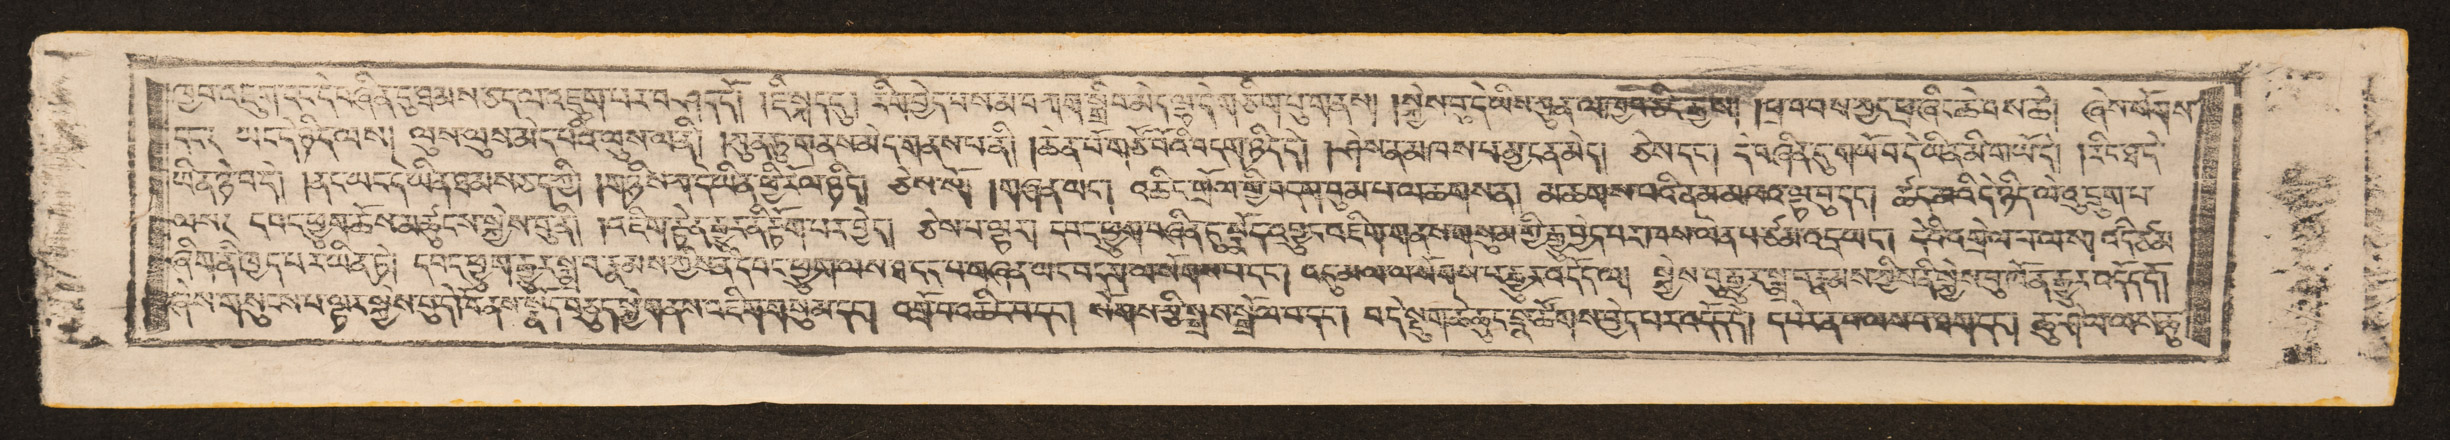གསལ་དམ་བཅའི་སྐབས་སུ། རྟོག་གེའི་རླུང་གིས་མ་དཀྲུགས་གསལ་བར་བྱ། ཞེས་སྨྲ་དང་། མུ་བཞི་སྐྱེ་འགོག་གི་བདེན་གཉིས་དྲངས་པ་དང་། སེང་བཟང་གིས་གང་དུ་སུན་འབྱིན་མི་ཉན་པར་དྲངས་པ་ཡང་དྲན་པ་རྣལ་དུ་མི་
གནས་པའི་ནང་འགལ་དང་གཞུང་གང་ལའང་མ་བལྟས་པ་འམ་བལྟས་ཀྱང་རྨོངས་པ་བེམ་པོ་ལྟ་བུར་རང་ཉིད་བསྟན་པ་ཡིན་ཏེ། སྐབས་འདིར་རང་རྒྱུད་པའི་ལུང་འདྲེན་མི་རུང་ཞེས་དེའི་ལུང་བདེན་གཉིས་དང་འགྲེལ་ཆུང་དྲངས་
པས་ངའི་མ་མོ་གཤམ་ཡིན་ཟེར་བ་ལྟར་རང་ཚིག་གཅིག་པོ་དེས་དེ་དངོས་འགལ་བྱས་པའི་ཕྱིར་དང་། འཕགས་གྲོལ་འཕགས་པར་ཁས་བླངས་ནས་རྟོག་གེ་བ་དང་རང་རྒྱུད་པར་བྱས་པ་ཡང་བྱམས་པས། རྟོག་གེ་རྟེན་ཅིང་མ་
ངེས་ལ། །མ་ཁྱབ་ཀུན་རྫོབ་སྐྱོ་བ་ཅན། །བྱིས་པ་ལ་ནི་བརྟེན་པར་འདོད། །ལྟ་བུ་དུ་མ་དང་འགལ། རང་རྒྱུད་པའི་གཞུང་གང་དང་བསྲེ་མི་རུང་བའི་ཤེས་བྱེད་དུ་ཚིག་གསལ་དམ་བཅའ་དྲངས་པས་ནི་མཁས་པ་མཐའ་དག་ངོ་ཚ་བར་
བྱས་ཏེ། ཚིག་གསལ་ནི་དབུ་མ་རིགས་ཚོགས་དྲུག་དང་གཏམ་བྱ་རིན་ཆེན་ཕྲེང་བ་དང་བསྟོད་ཚོགས་སོགས་འཕགས་པས་མཛད་པ་དང་བཞི་བརྒྱ་པ་སོགས་འཕགས་པ་ལྷ་སོགས་ཀྱིས་མཛད་པ་དང་ཟབ་པའི་མདོ་སྡེ་མང་པོ་དང་།
ཁྱད་པར་སངས་རྒྱས་བསྐྱངས་ཀྱི་འགྲེལ་པ་དང་ལེགས་ལྡན་འབྱེད་ཀྱི་ཡང་བཤད་ཚུལ་གཅིག་གཉིས་བཀག་པ་མ་གཏོགས་དེའི་ལེགས་བཤད་གང་ཡོད་དང་སློབ་དཔོན་དེ་དག་སོགས་གཅིག་ནས་གཅིག་ཏུ་བརྒྱུད་པའི་ལེགས་